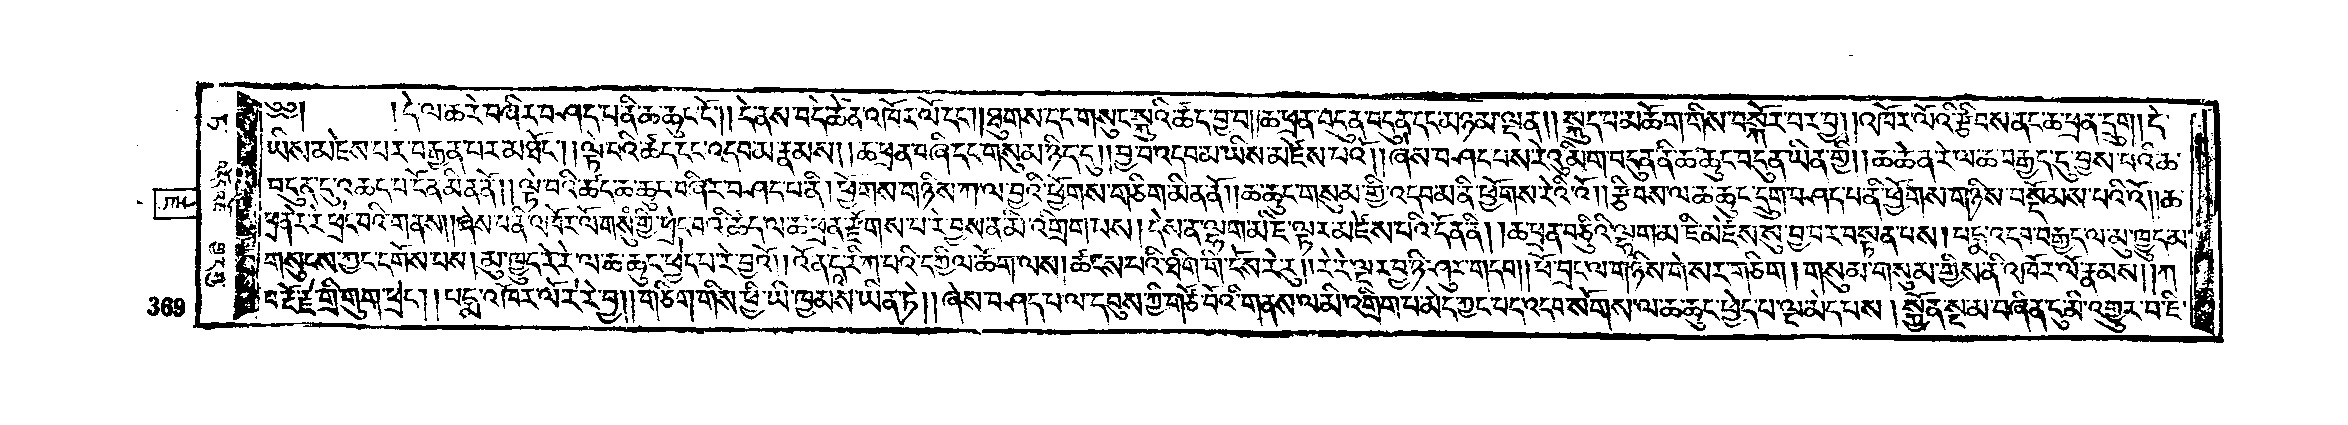༄༅། །དེ་ལ་ཆ་རེ་བཞིར་བཤད་པ་ནི་ཆ་ཆུང་ངོ། །དེ་ནས་བདེ་ཆེན་འཁོར་ལོ་དང་། །ཐུགས་དང་གསུང་སྐུའི་ཚད་བྱ་བ། །ཆ་ཕྲན་བདུན་དང་མཉམ་ལྡན། །སྐུད་པ་མཆོག་གིས་བསྐོར་བར་བྱ། །འཁོར་ལོའི་རྩིབས་ནང་ཆ་ཕྲན་དྲུག །དེ་
ཡིས་མཛེས་པར་བརྒྱན་པར་མཐོང་། །ལྟེ་བའི་ཚད་དང་འདབ་མ་རྣམས། །ཆ་ཕྲན་བཞི་དང་གསུམ་ཉིད་དུ། །བྱ་བ་འདབ་མ་ཡིས་མཛེས་པའོ། །ཞེས་བཤད་པས་རེའུ་མིག་བདུན་ནི་ཆ་ཆུང་བདུན་ཡིན་གྱི། །ཆ་ཆེན་རེ་ལ་ཆ་བརྒྱད་དུ་བྱས་པའི་ཆ་
བདུན་དུ་འཆད་པ་ངོན་མིན་ནོ། །ལྟེ་བའི་ཚད་ཆ་ཆུང་བཞིར་བཤད་པ་ནི། ཕྱོགས་གཉིས་ཀ་ལ་བྱའི་ཕྱོགས་གཅིག་མིན་ནོ། །ཆ་ཆུང་གསུམ་གྱི་འདབ་མ་ནི་ཕྱོགས་རེའི་འོ། །རྩིབས་ལ་ཆ་ཆུང་དྲུག་བཤད་པ་ནི་ཕྱོགས་གཉིས་བསྡོམས་པའི་འོ། །ཆ་
ཕྲན་རེ་རེ་ཕྲེང་བའི་གནས། །ཞེས་པ་ནི་འཁོར་ལོ་གསུམ་གྱི་ཕྲེང་བའི་ཚད་ལ་ཆ་ཕྲན་རྫོགས་པ་རེ་བྱས་ན་མི་འགྲིག་པས། དེས་ན་ལྷག་མ་ཇི་ལྟར་མཛེས་པའི་དོན་ནི། །ཆ་ཕྲན་བཅུའི་ལྷག་མ་ཇི་མཛེས་སུ་བྱ་བར་བསྟན་པས། པདམ་འདབ་བརྒྱད་ལ་མུ་ཁྱུད་མ་
གསུངས་ཀྱང་དགོས་པས། མུ་ཁྱུད་རེ་རེ་ལ་ཆ་ཆུང་ཕྱེད་པ་རེ་བྱའོ། །འོ་ན་དཱ་རི་ཀ་པའི་དཀྱིལ་ཆོག་ལས། ཚངས་པའི་ཐིག་གི་ངོས་རེ་རུ། །རེ་རེ་ལྔར་བྱ་ཉི་ཤུར་གདབ། །ཕོ་བྲང་ལ་གཉིས་གེ་སར་གཅིག། གསུམ་གསུམ་གྱིས་ནི་འཁོར་ལོ་རྣམས། །ཀ་
བ་རྡོ་རྗེ་གྲི་གུག་ཕྲེང་། །པདམ་འཁོར་ལོ་རེ་རེ་བྱ། །གཅིག་གིས་ཕྱི་ཡི་ཁྱམས་ཡིན་ཏེ། །ཞེས་བཤད་པ་ལ་དབུས་ཀྱི་གཙོ་བོའི་གནས་ལ་མི་འགྲིག་པ་མེད་ཀྱང་པད་འདབ་སོགས་ལ་ཆ་ཆུང་ཕྱེད་པ་ལྔ་མེད་པས། སྐྱོན་སྔ་མ་བཞིན་དུ་མི་འགྱུར་བ་ཇི་